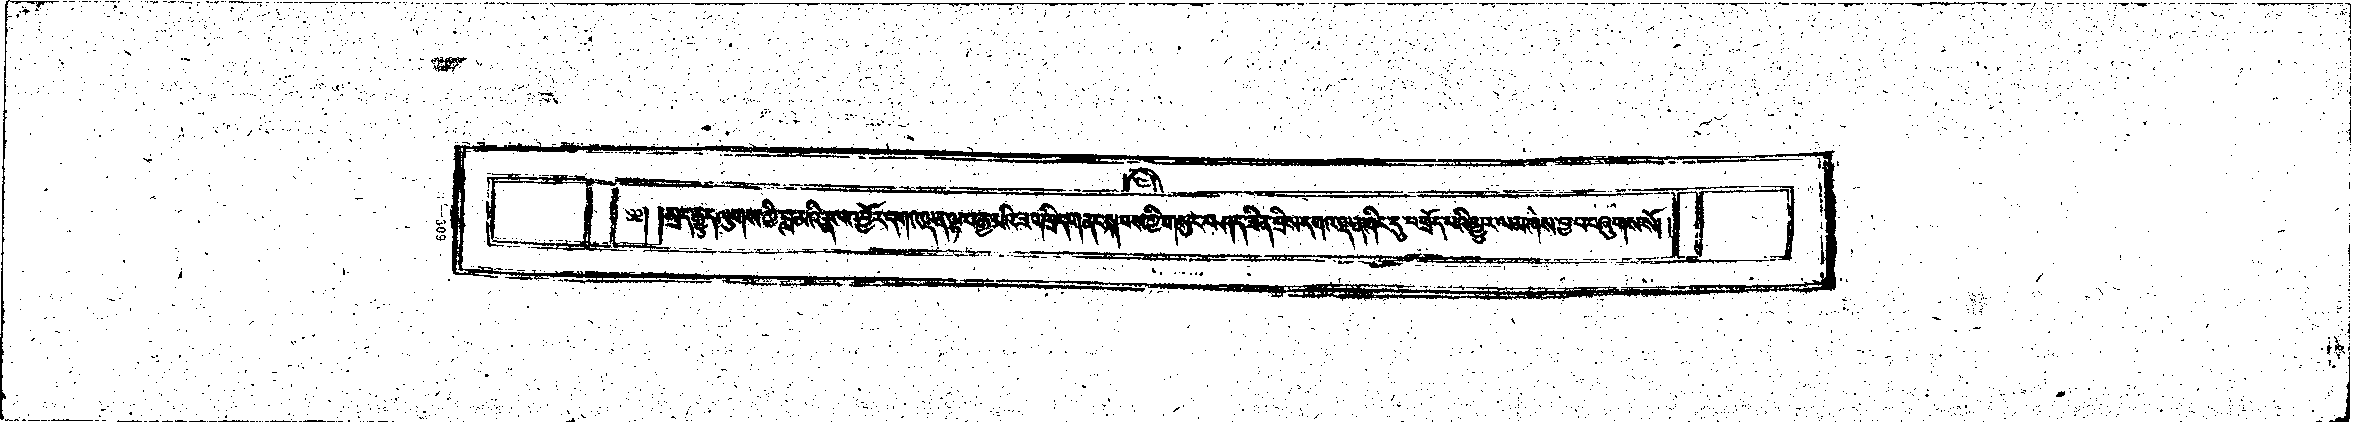༄༅། །སྲད་རྒྱུད་ལུགས་ཀྱི་བླ་མའི་རྣལ་འབྱོར་དགའ་ལྡན་ལྷ་བརྒྱ་མའི་ཟབ་ཁྲིད་གནང་སྐབས་ཀྱི་གསུང་བཤད་ཟིན་བྲིས་དགའ་ལྡན་ཞིང་དུ་བགྲོད་པའི་མྱུར་ལམ་ཞེས་བྱ་བ་བཞུགས་སོ། །